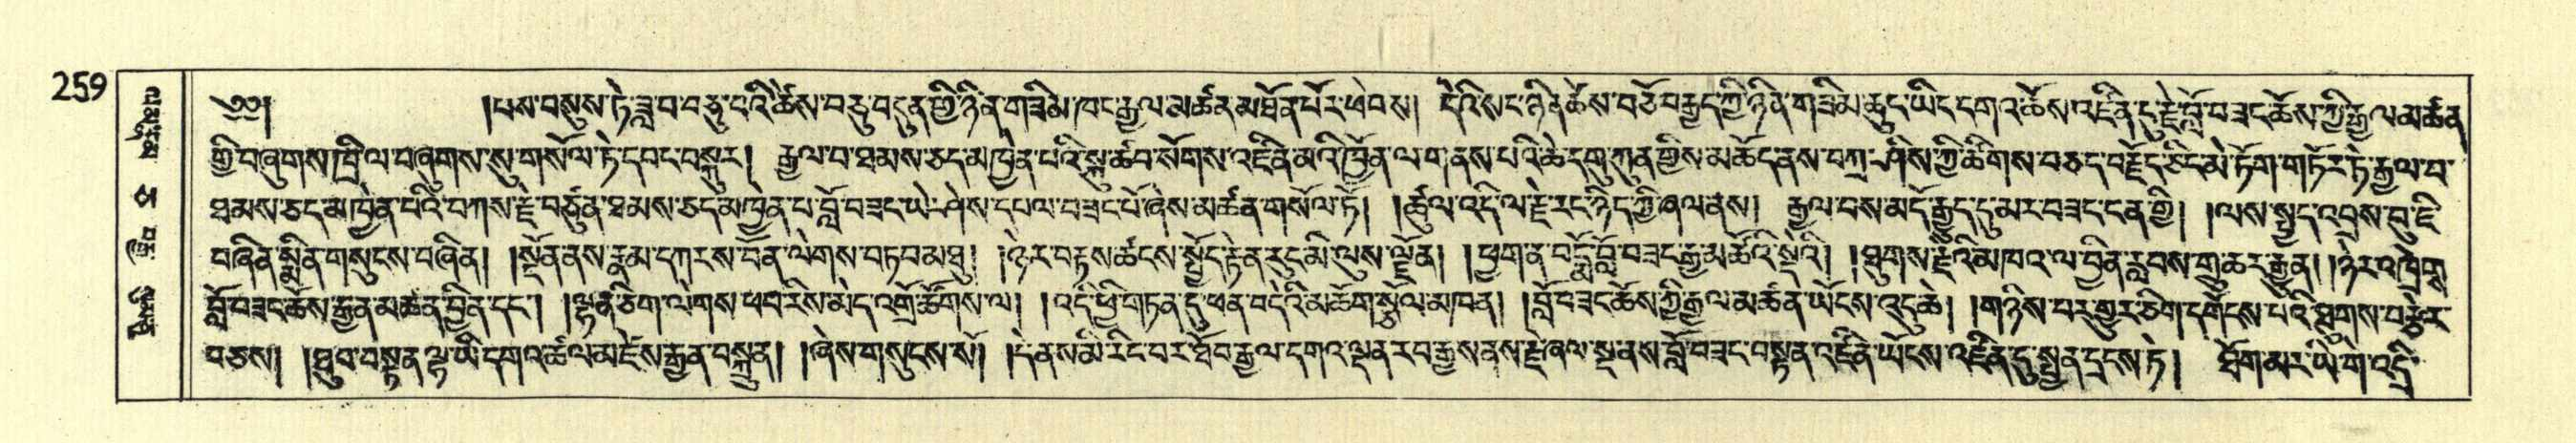༄༅། །པས་བསུས་ཏེ་ཟླ་བ་བཅུ་པའི་ཚེས་བཅུ་བདུན་གྱི་ཉིན་གཟིམ་ཁང་རྒྱལ་མཚན་མཐོན་པོར་ཕེབས། དེའི་སང་ཉིན་ཚེས་བཅོ་བརྒྱད་ཀྱི་ཉིན་གཟིམ་ཆུང་ཡིད་དགའ་ཆོས་འཛིན་དུ་རྗེ་བློ་བཟང་ཆོས་ཀྱི་རྒྱལ་མཚན་
གྱི་བཞུགས་ཁྲི་ལ་བཞུགས་སུ་གསོལ་ཏེ་དབང་བསྐུར། རྒྱལ་བ་ཐམས་ཅད་མཁྱེན་པའི་སྐུ་ཚབ་སོགས་འཛིན་མའི་ཁྱོན་ལ་གནས་པའི་ཆེ་དགུ་ཀུན་གྱིས་མཆོད་ནས་བཀྲ་ཤིས་ཀྱི་ཚིགས་བཅད་བརྗོད་ཅིང་མེ་ཏོག་གཏོར་ཏེ་རྒྱལ་བ་
ཐམས་ཅད་མཁྱེན་པའི་བཀས་རྗེ་བཙུན་ཐམས་ཅད་མཁྱེན་པ་བློ་བཟང་ཡེ་ཤེས་དཔལ་བཟང་པོ་ཞེས་མཚན་གསོལ་ཏོ། །ཚུལ་འདི་ལ་རྗེ་རང་ཉིད་ཀྱི་ཞལ་ནས། རྒྱལ་བས་མདོ་རྒྱུད་དུ་མར་བཟང་ངན་གྱི། །ལས་སྤྱད་འབྲས་བུ་ཇི་
བཞིན་སྨིན་གསུངས་བཞིན། །སྔོན་ནས་རྣམ་དཀར་ས་བོན་ལེགས་བཏབ་མཐུ། །ཉེར་བརྟས་ཚངས་སྤྱོད་རྟེན་རུང་མི་ལུས་ལྗོན། །ཕྱག་ན་པདམོ་བློ་བཟང་རྒྱ་མཚོའི་སྡེའི། །ཐུགས་རྗེའི་མཁའ་ལ་བྱིན་རླབས་གྲུ་ཆར་རྒྱུན། །ཉེར་འཁྲེགས་
བློ་བཟང་ཆོས་རྒྱན་མཚན་བྱིན་དང་། །ལྷན་ཅིག་ལེགས་ཕབ་རིས་མེད་འགྲོ་ཚོགས་ལ། །འདི་ཕྱི་གཏན་དུ་ཕན་བདེའི་མཆོག་སྩོལ་མཁན། །བློ་བཟང་ཆོས་ཀྱི་རྒྱལ་མཚན་ཡོངས་འདུ་ཆེ། །གཉིས་པར་གྱུར་ཅིག་དགོངས་པའི་ཐུགས་བརྩེར་
བཅས། །ཐུབ་བསྟན་ལྷ་ཡི་དགའ་ཚལ་མཛེས་རྒྱན་བསྐྲུན། །ཞེས་གསུངས་སོ། །དེ་ནས་མི་རིང་བར་ཐོབ་རྒྱལ་དགའ་ལྡན་རབ་རྒྱས་ནས་རྗེ་ཞལ་སྔ་ནས་བློ་བཟང་བསྟན་འཛིན་ཡོངས་འཛིན་དུ་སྤྱན་དྲངས་ཏེ། ཐོག་མར་ཡི་གེ་འདྲི་